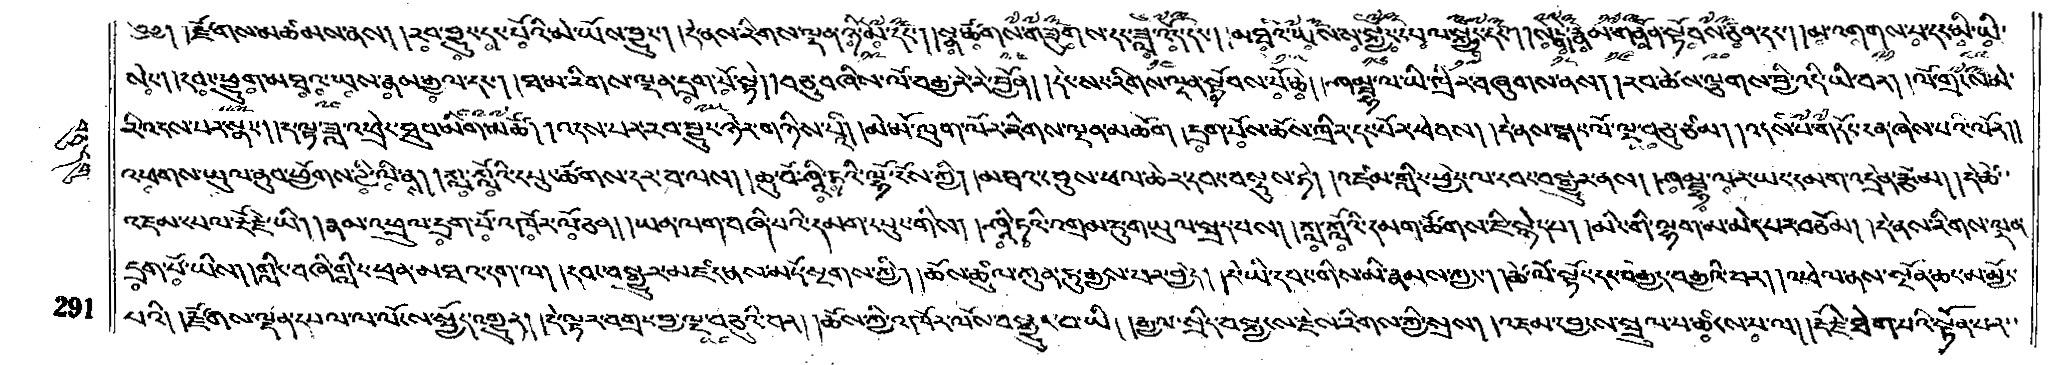༄༅། །རྫོགས་མཚམས་ནས། །རབ་བྱུང་དང་བོའི་མེ་ཡོས་བྱུང་། །དེ་ནས་རིགས་ལྡན་ཉི་མ་དང་། །སྣ་ཚོགས་གཟུགས་དང་ཟླ་འོད་དང་། །མཐའ་ཡས་ས་སྐྱང་དཔལ་སྐྱང་དང་། །སེངྒེ་རྣམ་གནོན་སྟོབས་ཅན་དང་། །མ་འགགས་པ་དང་མི་ཡི་
སེང་། །དབང་ཕྱུག་མཐའ་ཡས་རྣམ་རྒྱལ་དང་། །ཐ་མ་རིགས་ལྡན་དྲག་པོ་སྟེ། །བཅུ་བཞིས་ལོ་བརྒྱ་རེ་རེ་བྱོན། །དེང་སང་རིགས་ལྡན་སྟོབས་པོ་ཆེ། །ཤམྦྷ་ལ་ཡི་ཁྲིར་བཞུགས་ནས། །རབ་ཚེས་ལྕགས་བྱི་འདི་ཡི་བར། །ལོ་གྲངས་མེ་
རི་འདས་པར་སྣང་། །ད་ལྟ་ཟླ་འཕྲེང་ཐུབ་མིག་མཚོ། །འདས་པར་རབ་བྱུང་ཉེར་གཉིས་པའི། །མེ་མོ་ལུག་ལོར་རིགས་ལྡན་མཆོག །དྲག་པོས་ཆོས་ཁྲིར་དང་བོར་ཕེབས། །དེ་ནས་སྒང་ལོ་ལྔ་བཅུ་ཙམ། །འདས་པ་གདོང་ངན་ཞེས་པའི་ལོར།།
འཕགས་ཡུལ་ནུབ་ཕྱོགས་ཌྱི་ལི་ནས། །ཀླ་ཀློའི་དཔུང་ཚོགས་དར་བ་ལས། །ཆུ་བོ་ཤཱི་ཏའི་ལྷོ་ངོས་ཀྱི། །མཐའ་དབུས་ཕལ་ཆེར་དབང་བསྡུས་ཏེ། །འཛམ་གླིང་ཕྱེད་ལ་དབང་བསྒྱུར་ནས། །ཤམྦྷ་ལར་ཡང་དམག་འདྲེན་རྩོམ། །དེ་ཚེ་
འཇམ་དཔལ་རྡོ་རྗེ་ཡི། །རྣམ་འཕྲུལ་དྲག་པོ་འཁོར་ལོ་ཅན། །ཡན་ལག་བཞི་པའི་དམག་དཔུང་གིས། །ཤཱི་ཏའི་འགྲམ་དུ་གཡུལ་སྤྲད་པས། །ཀླ་ཀློའི་དམག་ཚོགས་ཇི་སྙེད་པ། །མིང་གི་ལྷག་མ་མེད་པར་བཅོམ། །དེ་ནས་རིགས་ལྡན་
དྲག་པོ་ཡིས། །གླིང་བཞི་གླིང་ཕྲན་མཐའ་དག་ལ། །དབང་བསྒྱུར་མཛད་ནས་མདོ་སྔགས་ཀྱི། །ཆོས་ཚུལ་ཀུན་ཏུ་རྒྱས་པར་བྱེད། །དེ་ཡི་དབང་གིས་མི་རྣམས་ཀྱང་། །ཚེ་ལོ་སྟོང་དང་བརྒྱད་བརྒྱའི་བར། །འཕེལ་ནས་སྔོན་ཆང་མ་མྱོང་
པའི། །རྫོགས་ལྡན་དཔལ་ལ་ལོངས་སྤྱོད་འགྱུར། །དེ་ལྟར་བགྲང་བྱ་ལྔ་བཅུའི་བར། །ཆོས་ཀྱི་འཁོར་ལོས་བསྒྱུར་བ་ཡི། །རྒྱལ་སྲིད་བསྐྱངས་རྗེས་རིགས་ཀྱི་སྲས། །འཇམ་དབྱངས་སྤྲུལ་པ་ཚངས་པ་ལ། །རྡོ་རྗེ་ཐེག་པའི་སྟོན་པར་